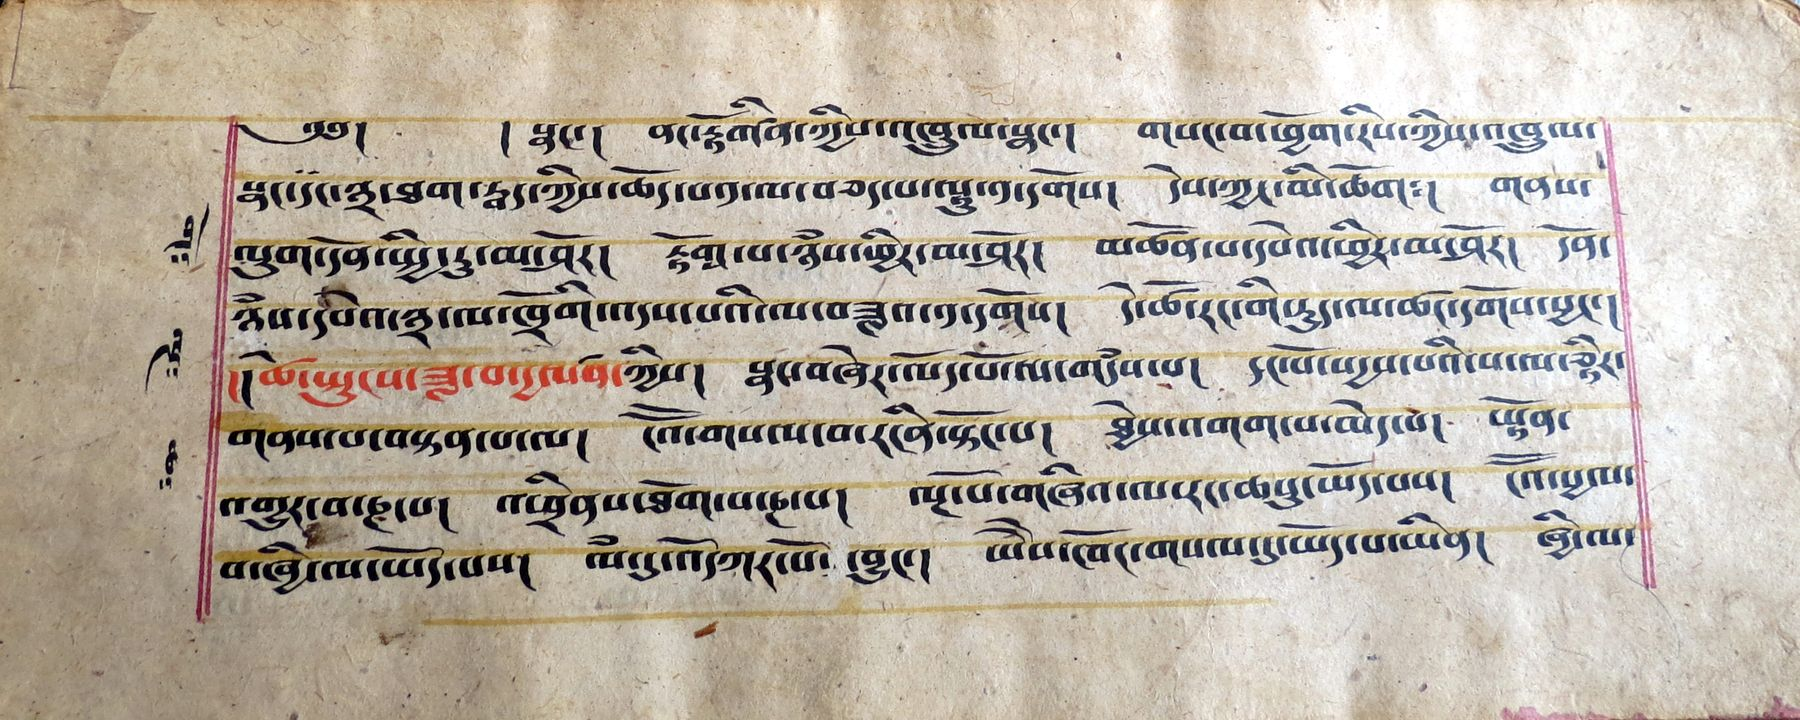སྣང། ནང་རྟོག་འཛིན་གྱི་འཁྲུལ་སྣང། གསང་བ་ཕྱོགས་རིས་ཀྱི་འཁྲུལ་
སྣང་གསུམ་ཐག་རྦད་ཀྱིས་ཆོད་པ་ཏ་ལ་བཅད་པ་ལྟ་བུ་ཞིག་དགོས། དེས་ཀྱང་མི་ཆོག གནས་
ལུགས་ཀྱི་དོན་ཕྱི་རུ་མ་ཤོར། རྟོགས་པ་ཉམས་ཕྱི་རུ་མ་ཤོར། མཚོན་བྱ་དཔེ་ཕྱི་རུ་མ་ཤོར། དོན་
ཉམས་དཔེ་གསུམ་ལ་ཁྲོལ་གྱིས་ལ་འདས་པའི་ལ་བཟླ་བ་ཞིག་དགོས། དེ་ཚོ་རང་གི་རྒྱུད་ལ་ཚང་དགོས་གསུངས། 
།།ཚེ་སྤུངས་ཟླ་བ་རྒྱལ་མཚན་གྱིས། སྣང་བཞེར་ལོད་པོ་ལ་གདམས་པ། དང་པོ་སངས་རྒྱས་པའི་ས་ནས་ཅི་ལྟར་
གནས་པ་བསྟན་པ་ལ། ངོ་བོ་གསལ་བ། རང་བཞིན་སྟོང་པ། ཐུགས་རྗེ་འགག་པ་མེད་པ། ཡོན་ཏན་
འགྱུར་བ་མེད་པ། འཕྲིན་ལས་ཐོག་པ་མེད་པ། ལྔ་པོ་འདི་གཞི་ལ་རང་ཆས་ཡོད་པས། ངོ་བོ་གསལ་
བ་གཞི་ལ་ཡོད་པས། ལམ་དུ་འོད་དཀར་པོ་བྱུང། ཡེ་ཤེས་ཁོང་གསལ་དུ་ཡོད་པ་ཡིན། གཞི་ལ་